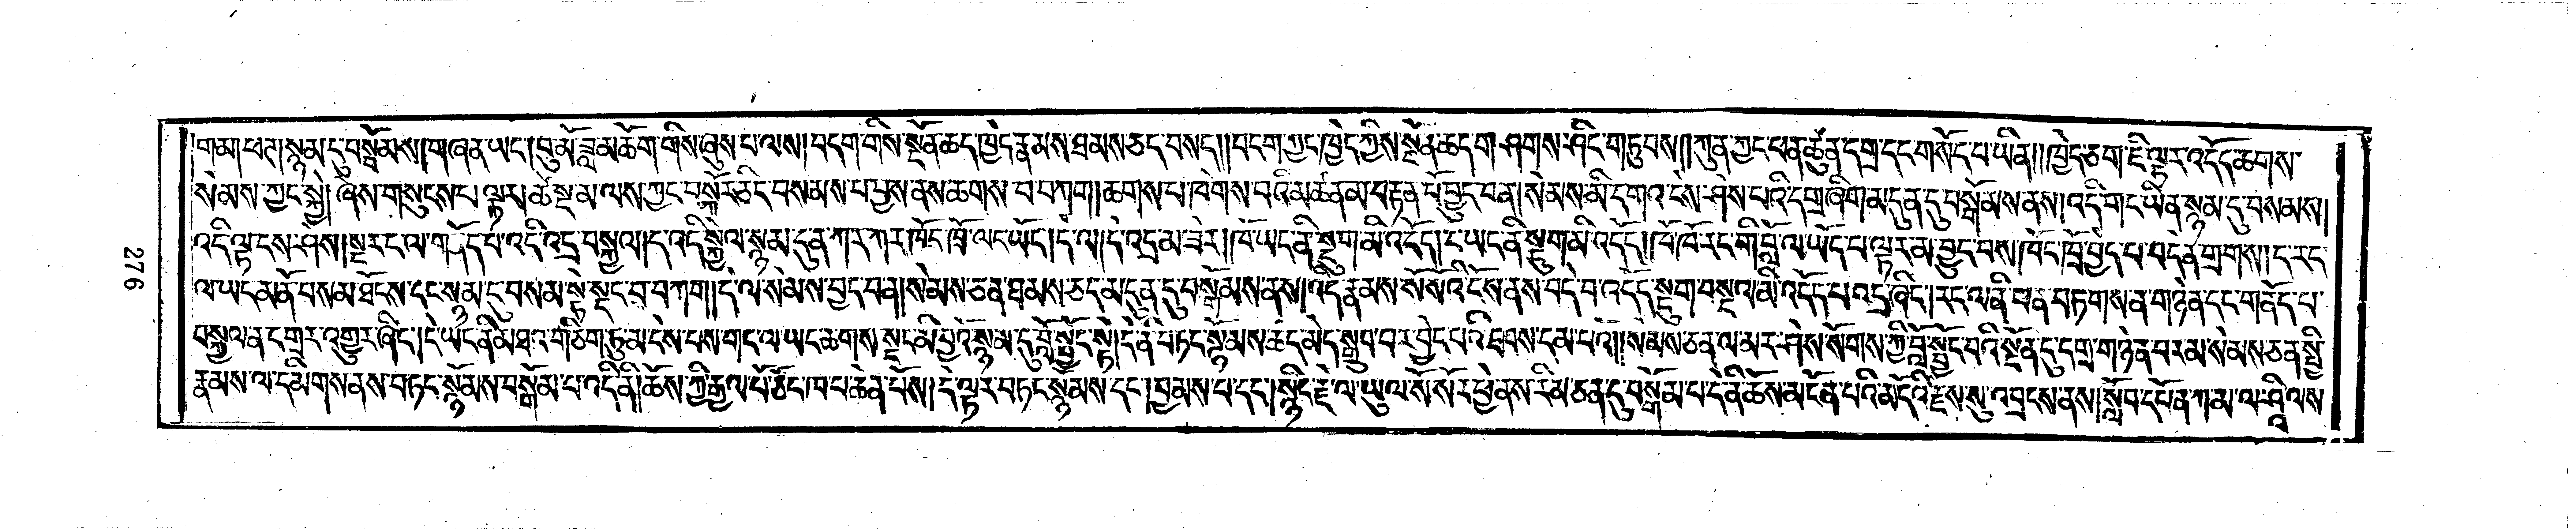གམ། ཕཊ། སྙམ་དུ་བསྦོམས། གཞན་ཡང་། བུ་མོ་ཟླ་མཆོག་གིས་ཞུས་པ་ལས། བདག་གིས་སྔོན་ཆད་ཁྱེད་རྣམས་ཐམས་ཅད་བསད། །བདག་ཀྱང་ཁྱེད་ཀྱིས་སྔོན་ཆད་གཤགས་ཤིང་གཏུབས། །ཀུན་ཀྱང་ཕན་ཚུན་དགྲ་དང་གསོད་པ་ཡིན། །ཁྱེད་ཅག་ཇི་ལྟར་འདོད་ཆགས་
སེམས་ཀྱང་སྐྱེ། ཞེས་གསུངས་པ་ལྟར། ཚེ་སྔ་མ་ལས་ཀྱང་བསྐོར་ཅིང་བསམས་པ་བྱས་ནས་ཆགས་བ་བཀག །ཆགས་པ་ཁེགས་བའི་མཚན་མ་བརྟན་པོ་བྱུང་བ་ན། སེམས་མི་དགའ་ངེས་ཤེས་པའི་དགྲ་ཞིག་མདུན་དུ་བསྒོམས་ནས། འདི་གང་ཡིན་སྙམ་དུ་བསམས།
འདི་ལྟ་ངས་ཤེས། སྔར་ལ་གནོད་པ་འདི་འདྲ་བསྐྱལ། ད་འདི་སྐྱེལ་སྙམ་དུ་ན་ཀར་ཀར་ཁོང་ཁྲོ་ལང་ཡོད་།དེ་ལ། དེ་འདྲ་མ་ཟེར། ཁོ་ཡང་ནི་སྡུག་མི་འདོད། ང་ཡང་ནི་སྡུག་མི་འདོད། ཁོ་ཁོ་རང་གི་བློ་ལ་ཡོད་པ་ལྟར་མ་བྱུང་བས་ཁོང་ཁྲོ་བྱེད་པ་བདེན་གྲགས། ད་རང་
ལ་ཡང་མནོ་བསམ་ཐོངས་དང་སྙམ་དུ་བསམ་སྟེ་སྡང་བ་བཀག། དེ་ལ་སེམས་བྱད་བ་ན། སེམས་ཅན་ཐམས་ཅད་མདུན་དུ་བསྒོམས་ནས། འདི་རྣམས་སོ་སོའི་ངོས་ནས་བདེ་བ་འདོད་སྡུག་བསྔལ་མི་འདོད་པ་འདྲ་ཞིང་། རང་ལ་ནི་བན་བཏགས་ན་གཉེན་དང་གནོད་པ་
བསྐྱལ་ན་དགྲར་འགྱུར་ཞིང་། དེ་ཡང་ནི་མཐའ་གཅིག་ཏུ་མ་ངེས་པས་གང་ལ་ཡང་ཆགས་སྡང་མི་བྱའོ་སྙམ་དུ་བློ་སྦྱོང་སྟེ། དེ་ནི་བཏང་སྙོམས་ཚད་མེད་སྒྲུབ་བར་བྱེད་པའི་ཐབས་དམ་པའོ། །སེམས་ཅན་ལ་མར་ཤེས་སོགས་ཀྱི་བློ་སྦྱོང་བའི་སྔོན་དུ་དགྲ་གཉེན་བར་མ་སེམས་ཅན་སྦྱི་
རྣམས་ལ་དམིགས་ནས་བཏང་སྙོམས་བསྒོམ་པ་འདི་ནི། ཆོས་ཀྱི་རྒྱལ་པོ་ཙོང་ཁ་པ་ཆེན་པོས། དེ་ལྟར་བཏང་སྙོམས་དང་། བྱམས་པ་དང་། སྙིང་རྗེ་ལ་ཡུལ་སོ་སོར་ཕྱེ་ནས་རིམ་ཅན་དུ་བསྒོམ་པ་དེ་ནི་ཆོས་མངོན་པའི་མདོའི་རྗེས་སུ་འབྲངས་ནས། སློབ་དཔོན་ཀ་མ་ལ་ཤཱི་ལས་